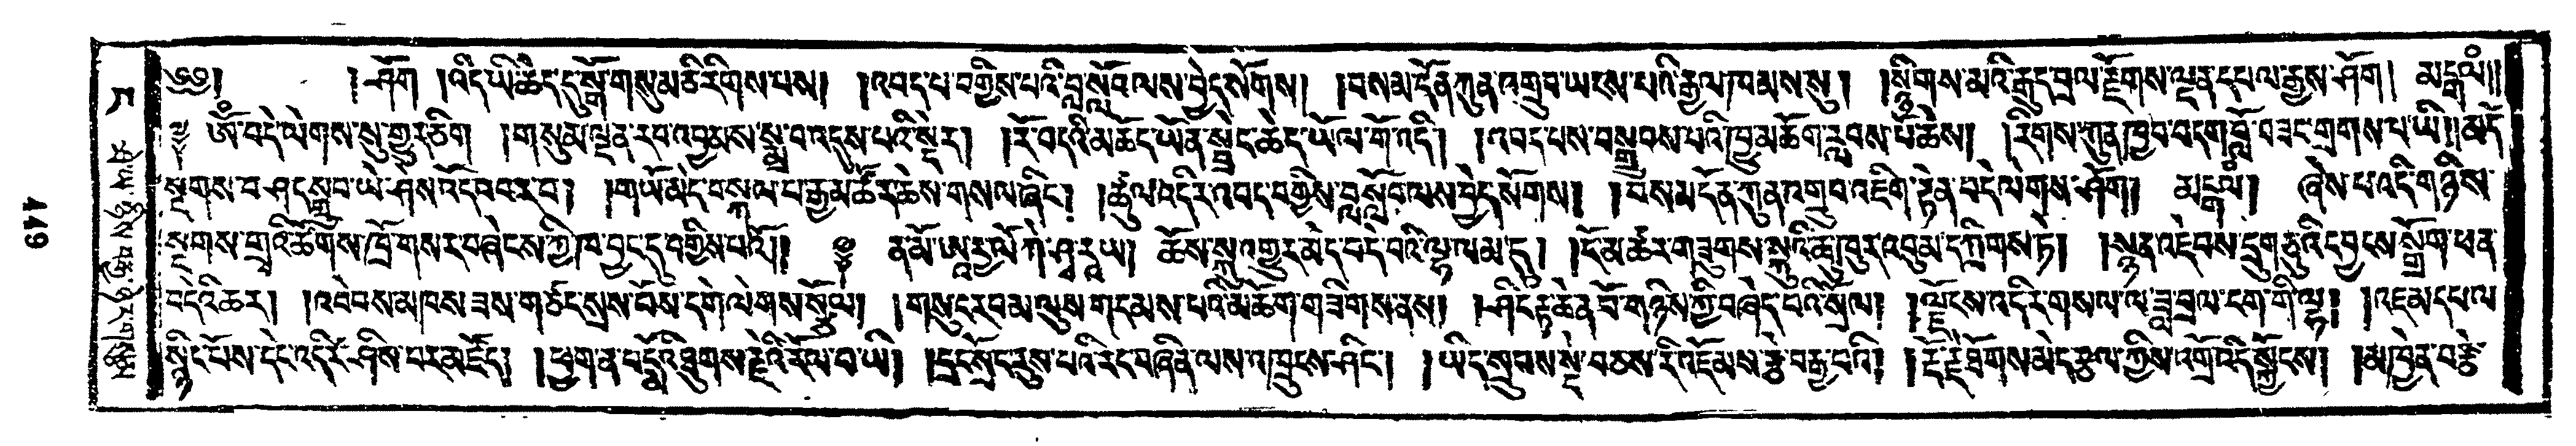༄༅། །ཤོག །འདི་ཡི་ཆེད་དུ་སྒོ་གསུམ་ཅི་རིགས་པས། །འབད་པ་བགྱིས་པའི་བླ་སློབ་ལས་བྱེད་སོགས། ། བསམ་དོན་ཀུན་འགྲུབ་ཡངས་པའི་རྒྱལ་ཁམས་སུ། ། སྙིངས་མའི་རྒུད་བྲལ་རྫོགས་ལྡན་དཔལ་རྒྱས་ཤོག། མངྒལཾ།།
༈ཨོཾ་བདེ་ལེགས་སུ་གྱུར་ཅིག །གསུམ་ལྡན་རབ་འབྱམས་སྨྲ་བ་འདུས་པའི་སྡེར། །རོ་བདའི་མཆོད་ཡོན་སྦྲེང་ཆེད་ཡོལ་གོ་འདི། ། འབད་པས་བསྒྲུབས་པའི་ཁྱུ་མཆོག་རླབས་པོ་ཆེས། །རིགས་ཀུན་ཁྱབ་བདག་བློ་བཟང་གྲགས་པ་ཡི། །མདོ་
སྔགས་བཤད་སྒྲུབ་ཡེ་ཤེས་འདོར་བར་བ། །གཡོ་མེད་བསྐལ་པ་རྒྱ་མཚོར་ཆེས་གསལ་ཞིང་། །ཚུལ་འདིར་འབད་བགྱིས་བླ་སློབ་ལས་བྱེད་སོགས། །བསམ་དོན་ཀུན་འགྲུབ་འཇིག་རྟེན་བདེ་ལེགས་ཤོག། མངྒཾ། ཞེས་པ་འདི་གཉིས་
སྔགས་གྲྭའི་ཚོགས་ཁྲོ་གསར་བཞེངས་ཀྱི་ཁ་བྱང་དུ་བགྱིས་པའོ།། ༈ ན་མོ་ཨཱརྱ་ལོ་ཀེ་ཤྭ་རཱ་ཡ། ཆོས་སྐུ་འགྱུར་མེད་བདེ་བའི་ལྷ་ལམ་དུ། །ངོ་མཚར་གཟུགས་སྐུའི་ཆུ་ཁུར་འབུམ་དཀྲིགས་ཏེ། །སྙན་འཇེབས་དྲུག་ཅུའི་དབྱངས་སྒྲོག་ཕན་
བདེའི་ཆར། །འབེབས་མཁས་ཟས་གཙང་སྲས་བོས་དགེ་ལེགས་སྩོལ། །གསུང་རབ་མ་ལུས་གདམས་པའི་མཆོག་གཟིགས་ནས། །ཤིང་རྟ་ཆེན་པོ་གཉིས་ཀྱི་བཞེད་བའི་སྲོལ། །ལྗོངས་འདིར་གསལ་ལ་ཟླ་བྲལ་ངག་གི་ལྷ། །འཇམ་དཔལ་
སྙིང་པོས་དེང་འདིར་ཤེས་པར་མཛོད། །ཕྱག་ན་པདམོའི་ཐུགས་རྗེའི་རོལ་བ་ཡི། །དྲང་སྲོང་རུས་པའི་རང་བཞིན་ལས་འཁྲུངས་ཤིང་། །ཡིད་སྒྲུབས་སྡེ་བཅས་རི་འཇོམས་རྩེ་བརྒྱ་བའི། །རྡོ་རྗེ་ཐོགས་མེད་རྩལ་ཀྱིས་འགྲོ་འདི་སྐྱོངས། །མཁྱེན་བརྩེ་